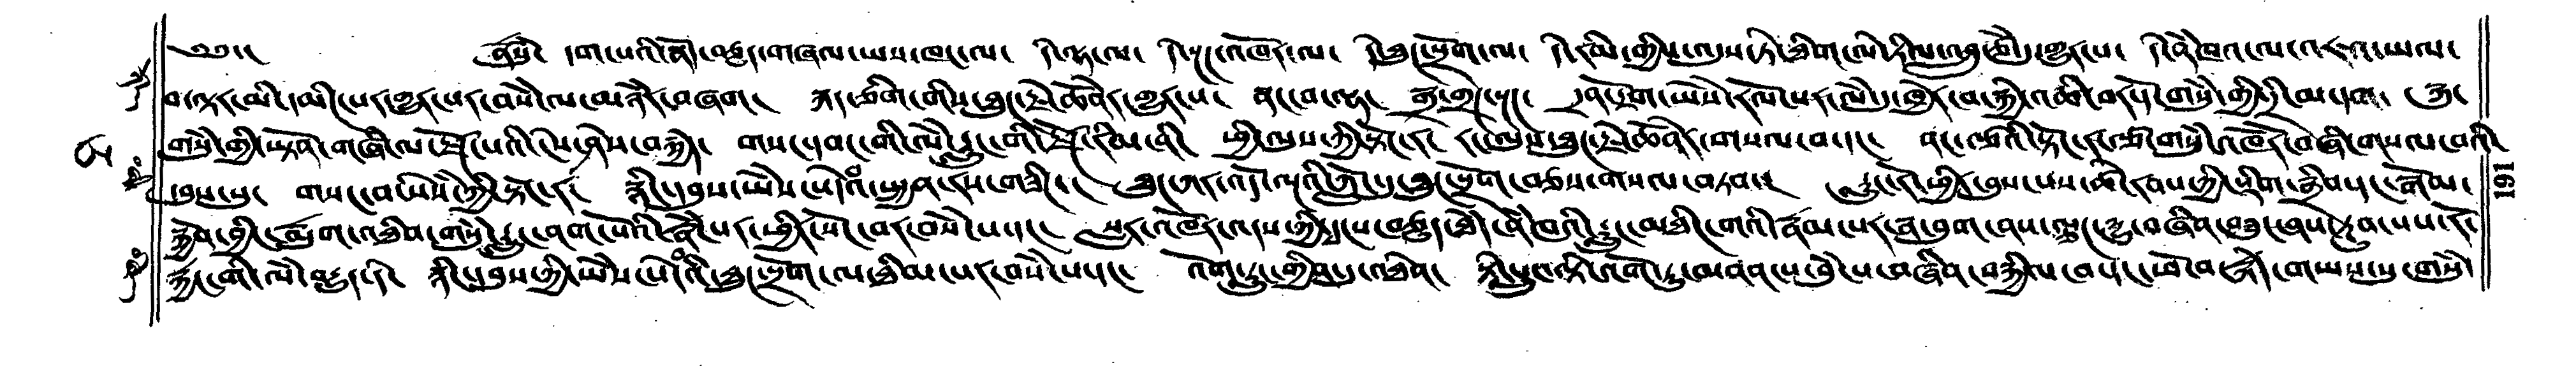རྣམས་སུ་དག་པའི་སྣོད་བཅུད་གཞལ་ཡས་ཁང་ལ། དེ་ལྷ་ལ། དེ་སྔགས་འཁོར་ལ། དེ་ཐུགས་སྲོག་ལ། དེ་རིམ་གྱིས་འདུས་ཏེ་ཐིག་ལེ་ཏིལ་འབྲུ་ཙམ་དུ་གྱུར་པ། དེ་ནམ་མཁའ་ལ་འཇའ་ཡལ་
བ་ལྟར་མི་དམིགས་པར་གྱུར་པར་བསམ་ལ་མཉམ་པར་བཞག སྐད་ཅིག་གིས་ཐུགས་རྗེ་ཆེན་པོར་གྱུར་པ། སྣང་བ་ལྷ། སྒྲ་གྲགས་སྔགས། དྲན་རྟོག་ཡེ་ཤེས་ཀྱི་རོལ་པར་ལམ་དུ་ཁྱེར་བས་སྐྱེ་འཆི་བར་དོ་གསུམ་གྱི་དྲི་མ་དག སྐུ་
གསུམ་གྱི་ཡོན་ཏན་གཞི་ལ་རྫོགས་པའི་ངེས་ཤེས་བསྐྱེད། གསང་དབང་གི་ལམ་རླུང་གི་རྫོགས་རིམ་ནི། ཕྱི་ལུས་ཀྱི་སྟོང་ར་རང་ལུས་ཐུགས་རྗེ་ཆེན་པོར་གསལ་བ་དང་། ནང་རྩའི་སྟོང་ར་རྩ་གསུམ་འཁོར་ལོ་བཞི་གསལ་བའི་
དབུས་སུ། གསང་བ་སེམས་ཀྱི་སྟོང་ར་སྙིང་དབུས་ཡེ་ཤེས་སེམས་དཔའ་སྤྱན་རས་གཟིགས། ཐུགས་ཀར་འོད་ལྔའི་ཀློང་དུ་ཐུགས་སྲོག་བཅས་གསལ་བཏབ། རླུང་རོ་ཕྱིར་བུས་པས་ཚེ་རབས་ཀྱི་སྡིག་སྒྲིབ་དང་སྒོམ་
སྐྱོན་བྱིང་རྨུགས་འཐིབ་གསུམ་རླུང་ནག་པོའི་རྣམ་པར་ཕྱིར་སོང་བར་བསམ་པ་དང་། སླར་འཁོར་འདས་ཀྱི་དྭངས་བཅུད་ཐམས་ཅད་ནམ་མཁའི་རླུང་མཐིང་གའི་རྣམ་པར་སྣ་བུག་ནས་ལྕགས་ཀྱུ་བཞིན་བཟུང་ནས་རྔུབས་པས་རོ་
རྐྱང་གི་ལམ་བརྒྱུད་དེ། སྙིང་དབུས་ཀྱི་ཡེ་ཤེས་སེམས་དཔའི་ཐུགས་སྲོག་ལ་ཐིམ་པར་བསམ་པ་དང་། འོག་རླུང་གྱེན་དུ་འཐེན། སྟེང་རླུང་ལྟེ་འོག་ཏུ་མནན་པ་བུམ་པ་བཞིན་བསྐྱིལ་བ་དང་ཕོ་བ་རྐེད་གཡས་སུ་གསུམ།